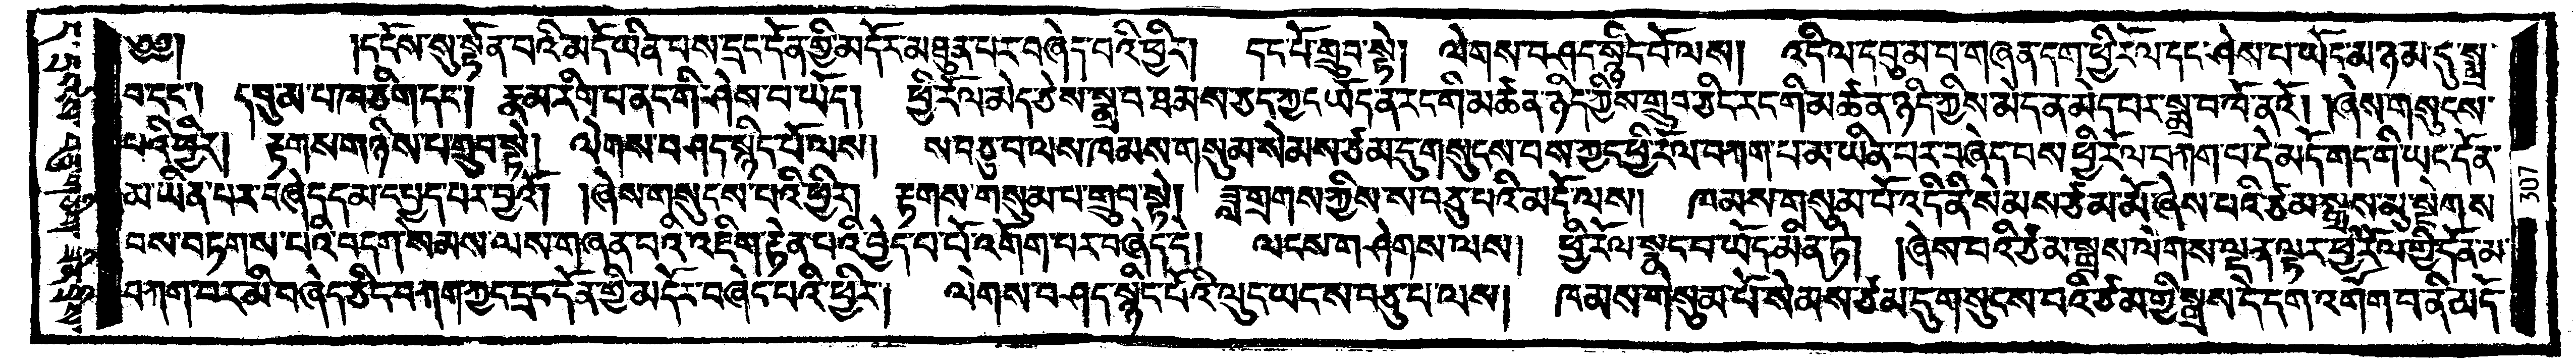༄༅། །དངོས་སུ་སྟོན་པའི་མདོ་ཡིན་པས་དྲང་དོན་གྱི་མདོར་མཐུན་པར་བཞེད་པའི་ཕྱིར། དང་པོ་གྲུབ་སྟེ། ལེགས་བཤད་སྙིང་པོ་ལས། འདི་ལ་དབུ་མ་པ་གཞན་དག་ཕྱི་རོལ་དང་ཤེས་པ་ཡོད་མཉམ་དུ་སྨྲ་
བ་དང་། དབུ་མ་པ་ཁ་ཅིག་དང་། རྣམ་རིག་པ་ནང་གི་ཤེས་པ་ཡོད། ཕྱི་རོལ་མེད་ཅེས་སྨྲ་བ་ཐམས་ཅད་ཀྱང་ཡོད་ན་རང་གི་མཚན་ཉིད་ཀྱིས་གྲུབ་ཅིང་རང་གི་མཚན་ཉིད་ཀྱིས་མེད་ན་མེད་པར་སྨྲ་བ་ཁོ་ནའོ། །ཞེས་གསུངས་
པའི་ཕྱིར། རྟགས་གཉིས་པ་གྲུབ་སྟེ། ལེགས་བཤད་སྙིང་པོ་ལས། ས་བཅུ་པ་ལས་ཁམས་གསུམ་སེམས་ཙམ་དུ་གསུངས་པས་ཀྱང་ཕྱི་རོལ་བཀག་པ་མ་ཡིན་པར་བཞེད་པས་ཕྱི་རོལ་བཀག་པ་དེ་མདོ་གང་གི་ཡང་དོན་
མ་ཡིན་པར་བཞེད་དམ་དཔྱད་པར་བྱའོ། །ཞེས་གསུངས་པའི་ཕྱིར། རྟགས་གསུམ་པ་གྲུབ་སྟེ། ཟླ་གྲགས་ཀྱིས་ས་བཅུ་པའི་མདོ་ལས། ཁམས་གསུམ་པོ་འདི་ནི་སེམས་ཙམ་མོ་ཞེས་པའི་ཙམ་སྒྲས་མུ་སྡེགས་
བས་བཏགས་པའི་བདག་སེམས་ལས་གཞན་པའི་འཇིག་རྟེན་པའི་བྱེད་པ་པོ་འགོག་པར་བཞེད་དེ། ལངས་གཤེགས་ལས། ཕྱི་རོལ་སྣང་བ་ཡོད་མིན་ཏེ། །ཞེས་པའི་ཙམ་སྒྲས་ལེགས་ལྡན་ལྟར་ཕྱི་རོལ་གྱི་དོན་མ་
བཀག་བར་མི་བཞེད་ཅིང་བཀག་ཀྱང་དྲང་དོན་གྱི་མདོར་བཞེད་པའི་ཕྱིར། ལེགས་བཤད་སྙིང་པོའི་ལུང་ཡང་ས་བཅུ་པ་ལས། ཁམས་གསུམ་པོ་སེམས་ཙམ་དུ་གསུངས་པའི་ཙམ་གྱི་སྒྲས་དེ་དག་འགོག་པ་ནི་མདོ་